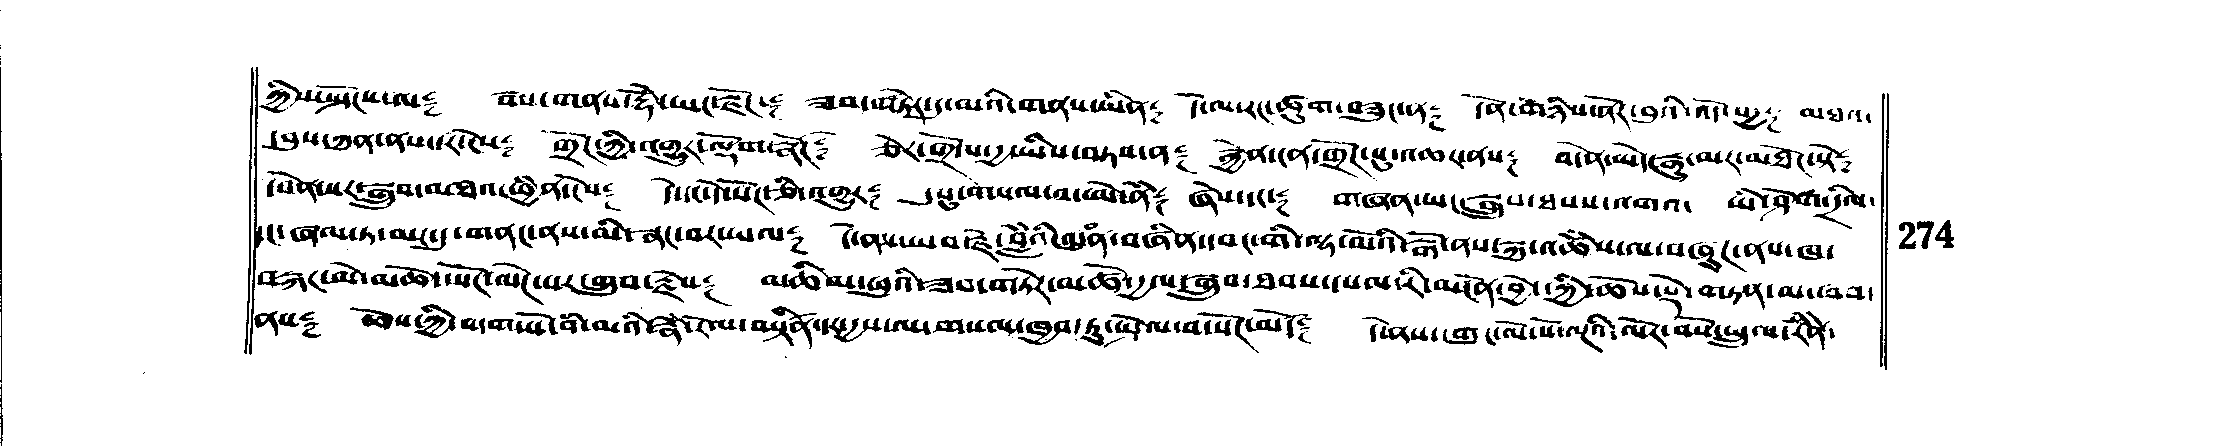ཀྱིས་སྤོངས་ལ། །སྦས་གནས་རྡོ་རྗེ་ཡང་རྫོང་། །ཟབ་གཏེར་དུ་མའི་གནས་ཡིན། །དེ་ལ་རང་ཚུག་བཟུང་ན། །དོན་གཉིས་ནོར་བུའི་འོད་བརྒྱ། །མཐའ་
དབུས་ཀུན་ནས་དར་ངེས། །གྲོགས་ཀྱི་འགྱུར་ལྡོག་སྣ་ཚོགས། །ཅེར་གྲོལ་རྒྱ་ཡིས་བཏབ་ན། །རྐྱེན་ངན་གྲོགས་སུ་འཆར་ནས། །བདེན་མེད་སྒྱུ་མར་མཐོང་སྟེ། །
དབེན་པར་སྒྲུབ་མཐའ་ཕྱིན་ངེས། །དེ་དང་དེ་སོགས་ཅི་འགྱུར། །དུས་སུ་གསལ་བ་ཨེ་ནམ། །ཞེས་དང་། གཞན་ཡང་སྒྲུབ་ཐབས་འགའ་ཡི་ཤོག་དྲིལ་
དང་ཞལ་ཏ་མང་དུ་གནང་ནས་མི་སྣང་བར་ཡལ། དེ་ནས་ཡབ་རྗེ་བླ་མའི་ལུང་བསྟན་བཞིན་དབང་གི་ལྷ་མོའི་སྒོ་ནས་སྐུ་མཚམས་ལ་བཞུགས་ནས་ཁ་
བསྐང་༼སྐོང?༽མེ་མཆོད་སོགས་ལེགས་པར་གྲུབ་རྗེས། མཆིམས་ཕུའི་ཟབ་གཏེར་མཚོ་རྒྱལ་སྒྲུབ་ཐབས་དཔལ་རི་མངོན་བྱེད་ཀྱི་ཆོས་སྡེ་གཏན་ལ་ཕབ་
ནས། ཆོས་ཀྱི་བདག་པོ་བི་མའི་རྣམ་རོལ་བསྟན་འཛིན་དར་རྒྱས་ལ་གསལ་ཁྱབ་ཏུ་སྤེལ་བ་སོགས་མཛད། དེ་ནས་དགུང་ལོ་སོ་ལྔའི་ལོར་བསོ་སྤྲུལ་རིན་པོ་ཆེ་